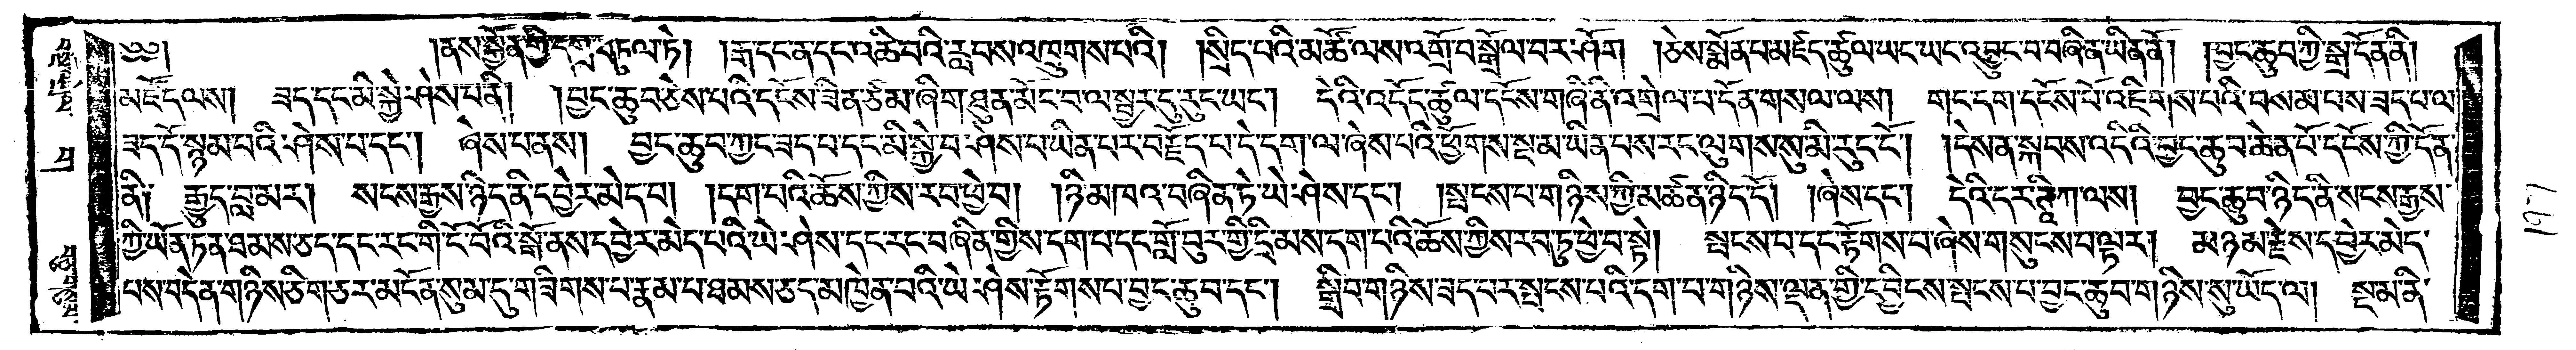༄༅། །ནས་སྐྱོན་གྱི་དགྲ་བཏུལ་ཏེ། །རྒ་དང་ན་དང་འཆི་བའི་རླབས་ལ་འཁྲུགས་པའི། །སྲིད་བའི་མཚོ་ལས་འགྲོ་བསྒྲོལ་བར་ཤོག །ཅེས་སྨོན་པ་མཛད་ཚུལ་ཡང་ཡང་འབྱུང་བ་བཞིན་ཡིན་ནོ། །བྱང་ཆུབ་ཀྱི་སྒྲ་དོན་ནི།
མཛོད་ལས། ཟད་དང་མི་སྐྱེ་ཤེས་པ་ནི། །བྱང་ཆུབ་ཅེས་པའི་དངོས་ཟིན་ཙམ་ཞིག་ཐུན་མོང་བ་ལ་སྦྱར་དུ་རུང་ཡང་། དེའི་འདོད་ཚུལ་དངོས་གཞི་ནི་འགྲེལ་པ་དོན་གསལ་ལས། གང་དག་དངོས་པོ་འཇིགས་པའི་བསམ་བས་ཟད་པ་ལ་
ཟད་དོ་སྙམ་པའི་ཤེས་པ་དང་། ཞེས་པ་ནས། བྱང་ཆུབ་ཀྱང་ཟད་པ་དང་མི་སྐྱེ་བ་ཤེས་པ་ཡིན་པར་བརྗོད་པ་དེ་དག་ལ་ཞེས་པའི་ཕྱོགས་སྔ་མ་ཡིན་པས་རང་ལུགས་སུ་མི་རུང་ངོ། །དེས་ན་སྐབས་འདིའི་བྱང་ཆུབ་ཆེན་པོ་དངོས་ཀྱི་དོན་
ནི༑ རྒྱུད་བླ་མར། སངས་རྒྱས་ཉིད་ནི་དབྱེར་མེད་བ། །དག་བའི་ཆོས་ཀྱིས་རབ་ཕྱེ་བ། །ཉི་མཁའ་བཞིན་ཏེ་ཡེ་ཤེས་དང་། །སྤངས་པ་གཉིས་ཀྱི་མཚན་ཉིད་དོ། །ཞེས་དང་། དེའི་དར་ཊཱིཀ་ལས། བྱང་ཆུབ་ཉིད་ནི་སངས་རྒྱས་
ཀྱི་ཡོན་ཏན་ཐམས་ཅད་དང་རང་གི་ངོ་བོའི་སྒོ་ནས་དབྱེར་མེད་པའི་ཡེ་ཤེས་དང་རང་བཞིན་གྱིས་དག་པ་དང་གློ་པུར་གྱི་དྲི་མས་དག་པའི་ཆོས་ཀྱིས་རབ་ཏུ་ཕྱེ་བ་སྟེ། སྤངས་བ་དང་རྟོགས་བ་ཞེས་གསུངས་བ་ལྟར། མཉམ་རྗེས་དབྱེར་མེད་
པས་བདེན་གཉིས་ཅིག་ཅར་མངོན་སུམ་དུ་གཟིགས་པ་རྣམ་པ་ཐམས་ཅད་མཁྱེན་པའི་ཡེ་ཤེས་རྟོགས་པ་བྱང་ཆུབ་དང་། སྒྲིབ་གཉིས་ཟད་པར་སྤངས་པའི་དག་པ་གཉིས་ལྡན་གྱི་དབྱིངས་སྤངས་པ་བྱང་ཆུབ་གཉིས་སུ་ཡོད་ལ། སྔམ་ནི་